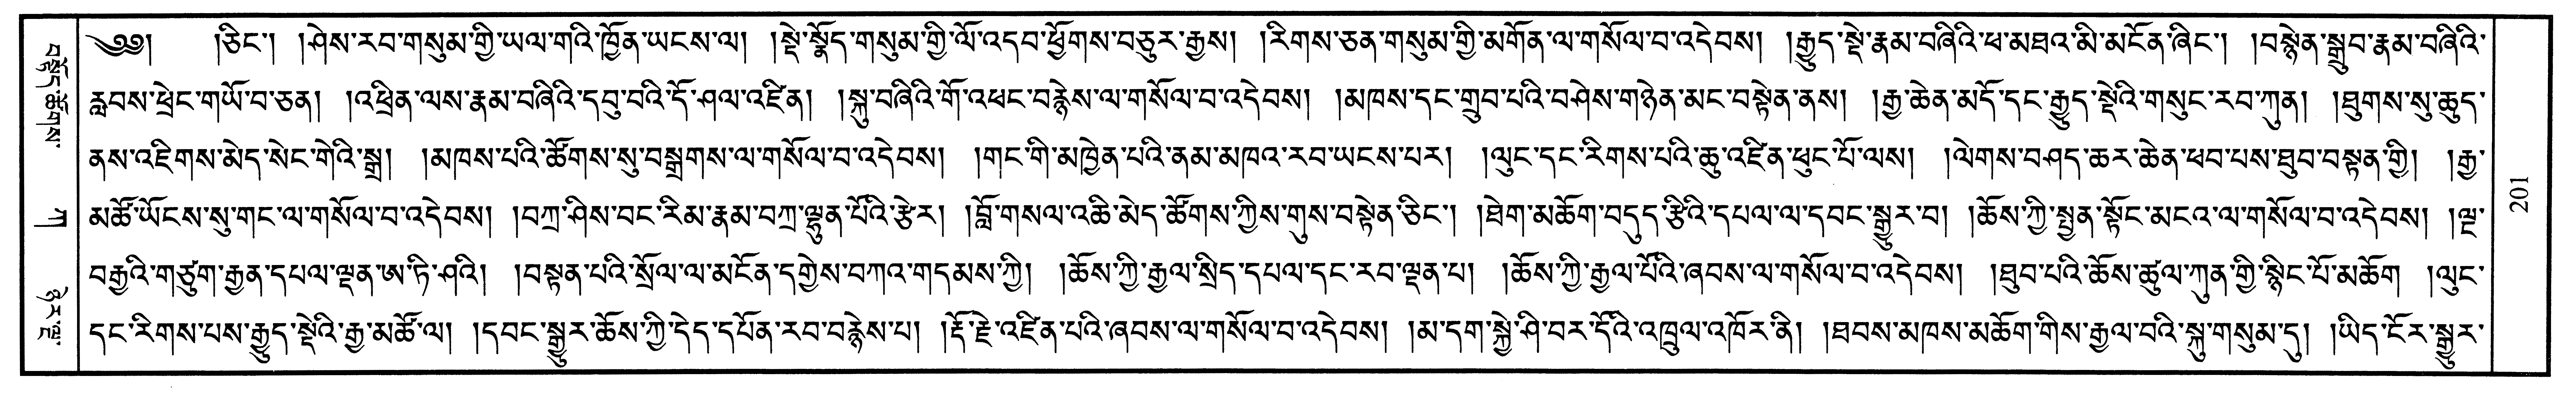༄༅། །ཅིང་། །ཤེས་རབ་གསུམ་གྱི་ཡལ་གའི་ཁྱོན་ཡངས་ལ། །སྡེ་སྣོད་གསུམ་གྱི་ལོ་འདབ་ཕྱོགས་བཅུར་རྒྱས། །རིགས་ཅན་གསུམ་གྱི་མགོན་ལ་གསོལ་བ་འདེབས། །རྒྱུད་སྡེ་རྣམ་བཞིའི་ཕ་མཐའ་མི་མངོན་ཞིང་། །བསྙེན་སྒྲུབ་རྣམ་བཞིའི་
རླབས་ཕྲེང་གཡོ་བ་ཅན། །འཕྲིན་ལས་རྣམ་བཞིའི་དབུ་བའི་དོ་ཤལ་འཛིན། །སྐུ་བཞིའི་གོ་འཕང་བརྙེས་ལ་གསོལ་བ་འདེབས། །མཁས་དང་གྲུབ་པའི་བཤེས་གཉེན་མང་བསྟེན་ནས། །རྒྱ་ཆེན་མདོ་དང་རྒྱུད་སྡེའི་གསུང་རབ་ཀུན། །ཐུགས་སུ་ཆུད་
ནས་འཇིགས་མེད་སེང་གེའི་སྒྲ། །མཁས་པའི་ཚོགས་སུ་བསྒྲགས་ལ་གསོལ་བ་འདེབས། །གང་གི་མཁྱེན་པའི་ནམ་མཁའ་རབ་ཡངས་པར། །ལུང་དང་རིགས་པའི་ཆུ་འཛིན་ཕུང་པོ་ལས། །ལེགས་བཤད་ཆར་ཆེན་ཕབ་པས་ཐུབ་བསྟན་གྱི། །རྒྱ་
མཚོ་ཡོངས་སུ་གང་ལ་གསོལ་བ་འདེབས། །བཀྲ་ཤིས་བང་རིམ་རྣམ་བཀྲ་ལྷུན་པོའི་རྩེར། །བློ་གསལ་འཆི་མེད་ཚོགས་ཀྱིས་གུས་བསྟེན་ཅིང་། །ཐེག་མཆོག་བདུད་རྩིའི་དཔལ་ལ་དབང་སྒྱུར་བ། །ཆོས་ཀྱི་སྤྱན་སྟོང་མངའ་ལ་གསོལ་བ་འདེབས། །ལྔ་
བརྒྱའི་གཙུག་རྒྱན་དཔལ་ལྡན་ཨ་ཏི་ཤའི། །བསྟན་པའི་སྲོལ་ལ་མངོན་དགྱེས་བཀའ་གདམས་ཀྱི། །ཆོས་ཀྱི་རྒྱལ་སྲིད་དཔལ་དང་རབ་ལྡན་པ། །ཆོས་ཀྱི་རྒྱལ་པོའི་ཞབས་ལ་གསོལ་བ་འདེབས། །ཐུབ་པའི་ཆོས་ཚུལ་ཀུན་གྱི་སྙིང་པོ་མཆོག །ལུང་
དང་རིགས་པས་རྒྱུད་སྡེའི་རྒྱ་མཚོ་ལ། །དབང་སྒྱུར་ཆོས་ཀྱི་དེད་དཔོན་རབ་བརྙེས་པ། །རྡོ་རྗེ་འཛིན་པའི་ཞབས་ལ་གསོལ་བ་འདེབས། །མ་དག་སྐྱེ་ཤི་བར་དོའི་འཁྲུལ་འཁོར་ནི། །ཐབས་མཁས་མཆོག་གིས་རྒྱལ་བའི་སྐུ་གསུམ་དུ། །ཡིད་ངོར་སྒྱུར་